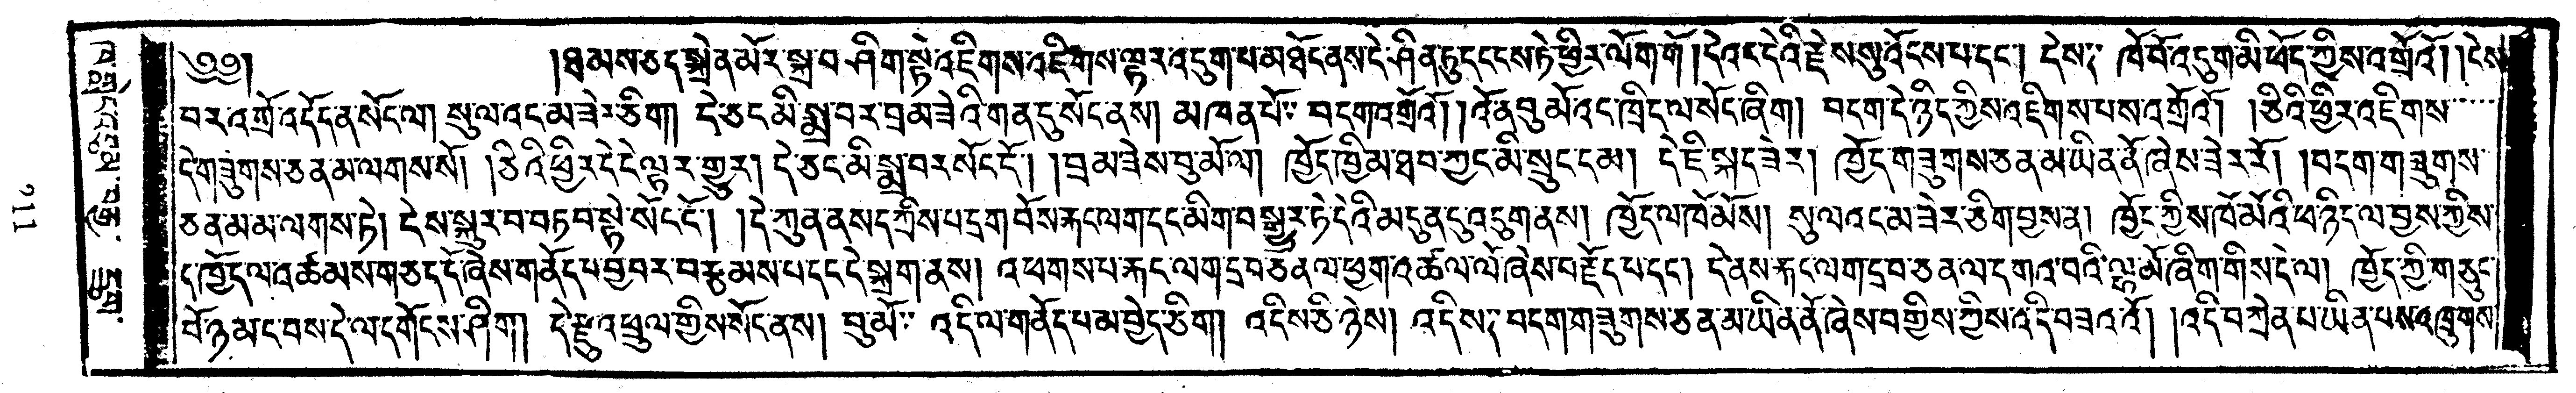༄༅། །ཐམས་ཅད་སྐྲེན་མོར་སྐྲ་བཤིག་སྟེ་འཇིགས་འཇིགས་ལྟར་འདུག་པ་མཐོང་ནས་དེ་ཤིན་ཏུ་དངངས་ཏེ་ཕྱིར་ལོག་གོ །དེའང་དེའི་རྗེས་སུ་འོངས་པ་དང་། དེས༑ ཁོ་བོ་འདུག་མི་ཕོད་ཀྱིས་འགྲོའོ། །ངེས་
བར་འགྲོ་འདོད་ན་སོང་ལ། སུ་ལ་འང་མ་ཟེར་ཅིག །དེ་ཅང་མི་སྨྲ་བར་བྲམ་ཟེའི་གན་དུ་སོང་ནས། མཁན་པོ༑ བདག་འགྲོའོ། །འོ་ན་བུ་མོའང་ཁྲིད་ལ་སོང་ཞིག །བདག་དེ་ཉིད་ཀྱིས་འཇིགས་པས་འགྲོའོ། །ཅིའི་ཕྱིར་འཇིགས་
དེ་གཟུགས་ཅན་མ་ལགས་སོ། །ཅིའི་ཕྱིར་དེ་དེ་ལྟར་གྱུར། དེ་ཅང་མི་སྨྲ་བར་སོང་ངོ། །བྲམ་ཟེས་བུ་མོ་ལ། ཁྱོད་ཁྱིམ་ཐབ་ཀྱང་མི་སྲུང་ངམ། དེ་ཇི་སྐད་ཟེར། ཁྱོད་གཟུགས་ཅན་མ་ཡིན་ནོ་ཞེས་ཟེར་རོ། །བདག་གཟུགས་
ཅན་མ་མ་ལགས་ཏེ། དེས་སྐུར་བ་བཏབ་སྟེ་སོང་ངོ། །དེ་ཀུན་ནས་དཀྲིས་པ་དྲག་བོས་རྐང་ལག་དང་མིག་བསྒྱུར་ཏེ་དེའི་མདུན་དུ་འདུག་ནས། ཁྱོད་ལ་ཁོ་མོས། སུ་ལའང་མ་ཟེར་ཅིག་བྱས་ན། ཁྱོད་ཀྱིས་ཁོ་མོའི་ཕ་ཉིད་ལ་བྱས་ཀྱིས་
ད་ཁྱོད་ལ་འཚམས་གཅད་དོ་ཞེས་གནོད་པ་བྱ་བར་བརྩམས་པ་དང་དེ་སྐྲག་ནས། འཕགས་པ་རྐང་ལག་དྲ་བ་ཅན་ལ་ཕྱག་འཚལ་ལོ་ཞེས་བརྗོད་པ་དང་། དེ་ནས་རྐང་ལག་དྲ་བ་ཅན་ལ་དགའ་བའི་ལྷ་མོ་ཞིག་གིས་དེ་ལ། ཁྱོད་ཀྱི་གཅུང་
བོ་ཉམ་ང་བས་དེ་ལ་དགོངས་ཤིག། དེ་རྫུ་འཕྲུལ་གྱིས་སོང་ནས། བུ་མོ་འདི་ལ་གནོད་པ་མ་བྱེད་ཅིག། འདིས་ཅི་ཉེས། འདིས༑ བདག་གཟུགས་ཅན་མ་ཡིན་ནོ་ཞེས་བགྱིས་ཀྱིས་འདི་བཟའ་འོ། །འདི་བཀྲེན་པ་ཡིན་པས་འཁྲུགས་